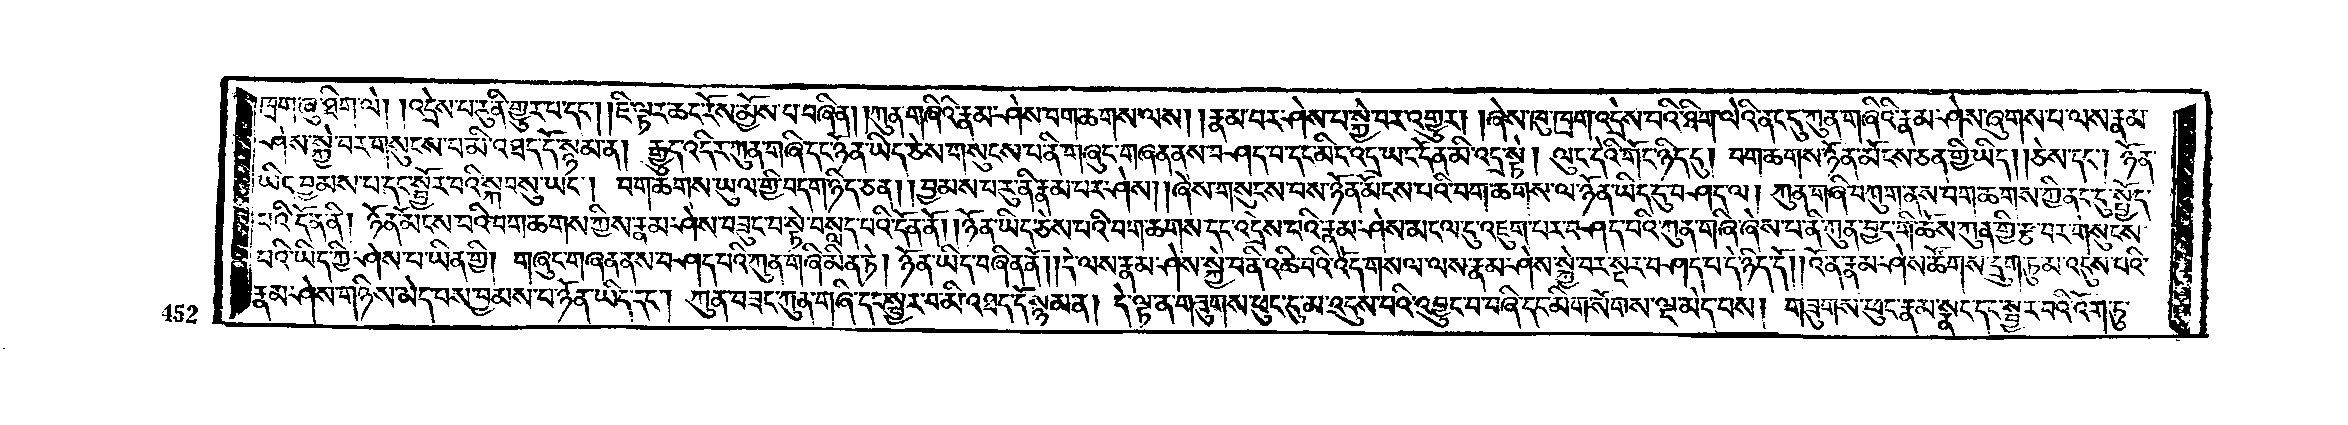ཁྲག་ཞུ་ཐིག་ལེ། །འདྲེས་པ་རུ་ནི་གྱུར་པ་དང་། །ཇི་ལྟར་ཆང་རོས་མྱོས་པ་བཞིན། །ཀུན་གཞིའི་རྣམ་ཤེས་བག་ཆགས་ལས། །རྣམ་པར་ཤེས་པ་སྐྱེ་བར་འགྱུར། །ཞེས་ཁུ་ཁྲག་འདྲེས་པའི་ཐིག་ལེའི་ནང་དུ་ཀུན་གཞིའི་རྣམ་ཤེས་ཞུགས་པ་ལས་རྣམ་
ཤེས་སྐྱེ་བར་གསུངས་པ་མི་འཐད་དོ་སྙམ་ན། རྒྱུད་འདིར་ཀུན་གཞི་དང་ཉོན་ཡིད་ཅེས་གསུངས་པ་ནི་གཞུང་གཞན་ནས་བཤད་པ་དང་མིང་འདྲ་ཡང་དོན་མི་འདྲ་སྟེ། ལུང་དེའི་གོང་ཉིད་དུ། བག་ཆགས་ཉོན་མོངས་ཅན་གྱི་ཡིད། །ཅེས་དང་། ཉོན་
ཡིད་བྱམས་པ་དང་སྦྱོར་བའི་སྐབས་སུ་ཡང་། བག་ཆགས་ཡུལ་གྱི་བདག་ཉིད་ཅན། །བྱམས་པ་རུ་ནི་རྣམ་པར་ཤེས། །ཞེས་གསུངས་པས་ཉོན་མོངས་པའི་བག་ཆགས་ལ་ཉོན་ཡིད་དུ་བཤད་ལ། ཀུན་གཞི་བཀུག་ནས་བག་ཆགས་ཀྱི་ནང་དུ་སྤྱོད་
པའི་དོན་ནི། ཉོན་མོངས་པའི་བག་ཆགས་ཀྱིས་རྣམ་ཤེས་བཟུང་བ་སྟེ་བསླད་པའི་དོན་ནོ། །ཉོན་ཡིད་ཅེས་པའི་བག་ཆགས་དང་འདྲེས་པའི་རྣམ་ཤེས་མངལ་དུ་འཇུག་པར་བཤད་པའི་ཀུན་གཞི་ཞེས་པ་ནི་ཀུན་བྱང་གི་ཆོས་ཀུན་གྱི་རྩ་བར་གསུངས་
པའི་ཡིད་ཀྱི་ཤེས་པ་ཡིན་གྱི། གཞུང་གཞན་ནས་བཤད་པའི་ཀུན་གཞི་མིན་ཏེ། ཉོན་ཡིད་བཞིན་ནོ། །དེ་ལས་རྣམ་ཤེས་སྐྱེ་བ་ནི་འཆི་བའི་འོད་གསལ་ལས་རྣམ་ཤེས་སྐྱེ་བར་སྔར་བཤད་པ་དེ་ཉིད་དོ། །འོ་ན་རྣམ་ཤེས་ཚོགས་དྲུག་ཏུ་མ་འདུས་པའི་
རྣམ་ཤེས་གཉིས་མེད་པས་བྱམས་པ་ཉོན་ཡིད་དང་། ཀུན་བཟང་ཀུན་གཞི་དང་སྦྱར་བ་མི་འཐད་དོ་སྙམ་ན། དེ་ལྟ་ན་གཟུགས་ཕུང་དུ་མ་འདུས་པའི་འབྱུང་བ་བཞི་དང་མིག་སོགས་ལྔ་མེད་པས། གཟུགས་ཕུང་རྣམ་སྣང་དང་སྦྱར་བའི་འོག་ཏུ་